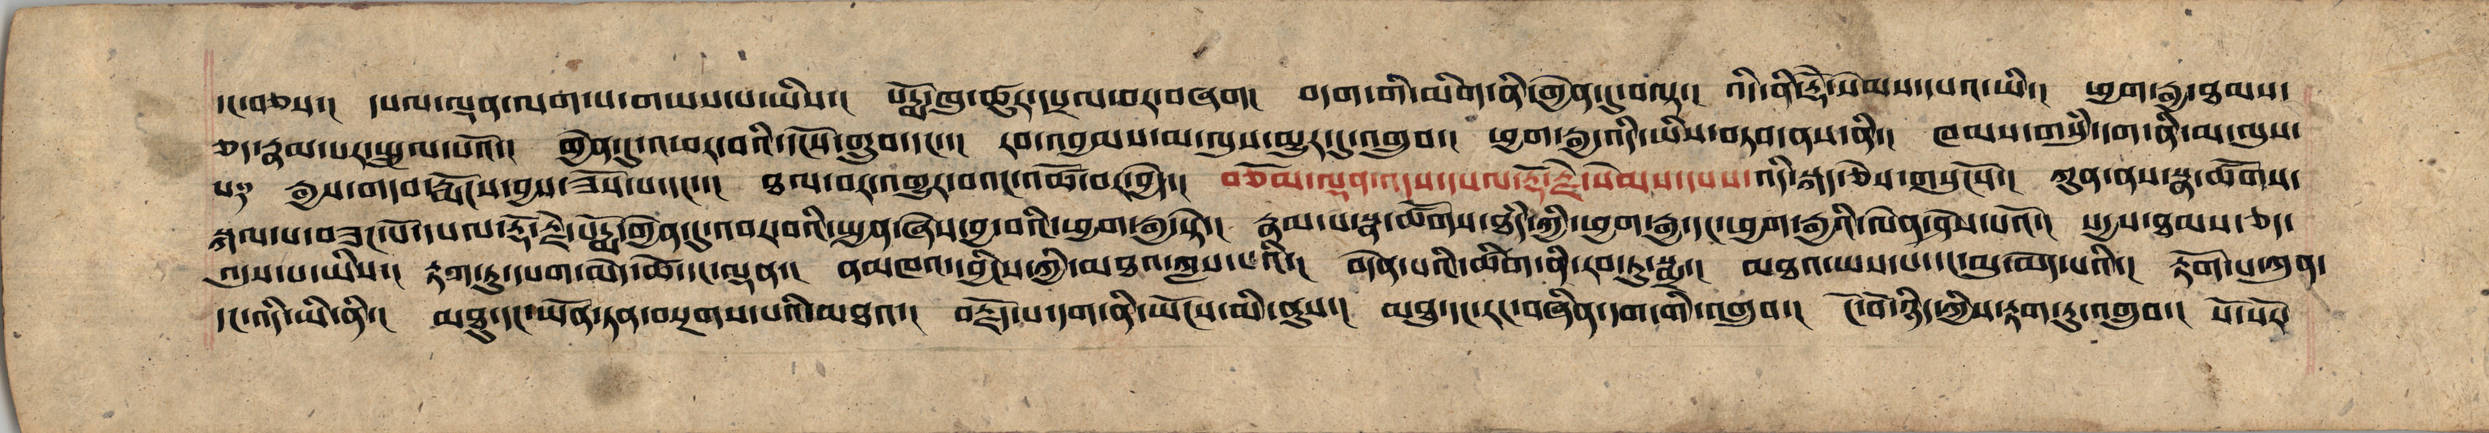དང་བཅས་། དཔལ་ལྡན་ལག་པ་གཡས་པ་ཡིས་། པདྨོ་ཁུ་ཚུར་དཔྲལ་བར་བཞག། བདག་གི་མིག་ནི་གྱེན་དུ་བལྟ་། འདི་ནི་རྡོེ་སེམས་དཔའ་ཡི་། ཕྱག་རྒྱ་ཐམས་
ཅད་རྣམ་པར་སྤྲུལ་པའོ་། གྱེན་དུ་འབར་བའི་དངོས་གྲུབ་དང་་། རབ་འབྱམས་མ་ལུས་མྱུར་དུ་འགྲུབ་། ཕྱག་རྒྱ་འདི་ཡིས་བཏབ་ནས་ནི་། ཁམས་གསུཾ་དག་ནི་མ་ལུས་
པ༑ རྒྱས་གདབ་རྨོངས་བྱས་ཟོས་པ་དང་། ཐལ་བར་འགྱུར་བའང་འཚོ་བར་བྱེད་། བཅོམ་ལྡན་འདས་དཔལ་རྡོ་རྗེ་སེམས་དཔས་འདི་སྐད་ཅེས་གསུངསོ་། ཀུན་ནས་སྣ་ཚོགས་
སྐལ་པ་བཟང་པོ་དཔལ་རྡོ་རྗེ་པདྨོ་གྱེན་དུ་འབར་བའི་སྤྱན་ཞེས་བྱ་བའི་ཕྱག་རྒྱ་སྟེ་། རྣམ་པ་སྣ་ཚོགས་ཐཾད་ཀྱི་ཕྱག་རྒྱ་དང་ཕྱག་རྒྱའི་ལེན་ཤེས་པའོ་། སདྱས་ཐམས་ཅད་
འདུས་པ་ཡིས་། རྟག་ཏུ་དཔག་མེད་ཚེ་དང་ལྡན་། ནམཁའ་དབྱིངས་ཀྱི་མཐའ་ཀླས་པའི་། བདཻན་པའི་ཚིག་ནི་རབ་ཏུ་སྨྲ་། མཐའ་ཡས་པ་དང་མུ་མེད་པའི་། རྟོག་པ་ཀུན་
དང་འདི་ཡི་ནི་། མཐུ་དང་ཡོན་ཏན་བསྔགས་པའི་མཐའ་། བརྗོད་པ་དག་ནི་ཡོངས་མི་ནུས་། མཐུ་དང་རང་བཞིན་དག་གི་འགྲུབ་། ངོ་བོ་ཉིད་ཀྱིས་རྟག་ཏུ་འགྲུབ་། སོ་སོར་